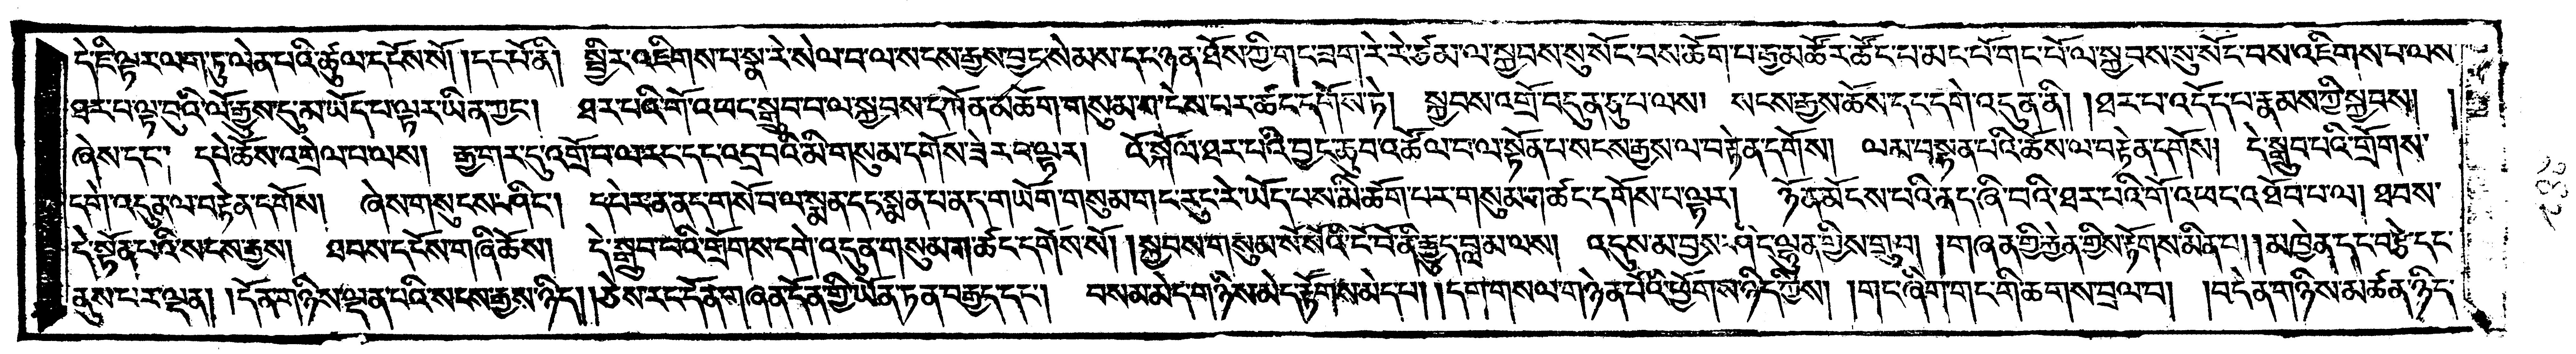དེ་ཇི་ལྟར་ལག་ཏུ་ལེན་པའི་ཚུལ་དངོས་སོ། །དང་པོ་ནི། སྤྱིར་འཇིགས་པ་སྣ་རེ་སེལ་བ་ལ་སངས་རྒྱས་བྱང་སེམས་དང་ཉན་ཐོས་ཀྱི་གང་ཟག་རེ་རེ་ཙམ་ལ་སྐྱབས་སུ་སོང་བས་ཆོག་པ་རྒྱ་མཚོར་ཚོང་པ་མང་པོ་གང་པོ་ལ་སྐྱབས་སུ་སོང་བས་འཇིགས་པ་ལས་
ཐར་པ་ལྟ་བུའི་ལོ་རྒྱུས་དུ་མ་ཡོད་པ་ལྟར་ཡིན་ཀྱང་། ཐར་པའི་གོ་འཕང་སྒྲུབ་པ་ལ་སྐྱབས་དཀོན་མཆོག་གསུམ་ག་ངེས་པར་ཚང་དགོས་ཏེ། སྐྱབས་འགྲོ་བདུན་ཅུ་པ་ལས། སངས་རྒྱས་ཆོས་དཔ་དགེ་འདུན་ནི། །ཐར་པ་འདོད་པ་རྣམས་ཀྱི་སྐྱབས། །
ཞེས་དང་། དཔེ་ཆོས་འགྲེལ་པ་ལས། རྒྱ་གར་དུ་འགྲོ་བ་ལ་རང་དང་འདྲ་བའི་མི་གསུམ་དགོས་ཟེར་བ་ལྟར། འོ་སྐོལ་ཐར་པའི་བྱང་ཆུབ་འཚོལ་བ་ལ་སྟོན་པ་སངས་རྒྱས་ལ་བརྟེན་དགོས། ལམ་བསྟན་པའི་ཆོས་ལ་བརྟེན་དགོས། དེ་སྒྲུབ་པའི་གྲོགས་
དགེ་འདུན་ལ་བརྟེན་དགོས། ཞེས་གསུངས་ཤིང་། དཔེར་ན་ནད་གསོ་བ་ལ་སྨན་དང་སྨན་པ་ནད་གཡོག་གསུམ་གང་རུང་རེ་ཡོད་པས་མི་ཆོག་པར་གསུམ་ག་ཚང་དགོས་པ་ལྟར། ཉོན་མོངས་པའི་ནད་ཞི་བའི་ཐར་པའི་གོ་འཕང་འཐོབ་པ་ལ། ཐབས་
དེ་སྟོན་པའི་སངས་རྒྱས། ཐབས་དངོས་གཞི་ཆོས། དེ་སྒྲུབ་པའི་གྲོགས་དགེ་འདུན་གསུམ་ག་ཚང་དགོས་སོ། །སྐྱབས་གསུམ་སོ་སོའི་ངོ་བོ་ནི་རྒྱུད་བླ་མ་ལས། འདུས་མ་བྱས་ཤིང་ལྷུན་གྱིས་གྲུབ། །གཞན་གྱི་རྐྱེན་གྱིས་རྟོགས་མིན་པ། །མཁྱེན་དང་བརྩེ་དང་
ནུས་པར་ལྡན། །དོན་གཉིས་ལྡན་པའི་སངས་རྒྱས་ཉིད། །ཅེས་རང་དོན་གཞན་དོན་གྱི་ཡོན་ཏན་བརྒྱད་དང་། བསམ་མེད་གཉིས་མེད་རྟོགས་མེད་པ། །དག་གསལ་གཉེན་པོའི་ཕྱོགས་ཉིད་ཀྱིས། །གང་ཞིག་གང་གི་ཆགས་བྲལ་བ། །བདེན་གཉིས་མཚན་ཉིད་